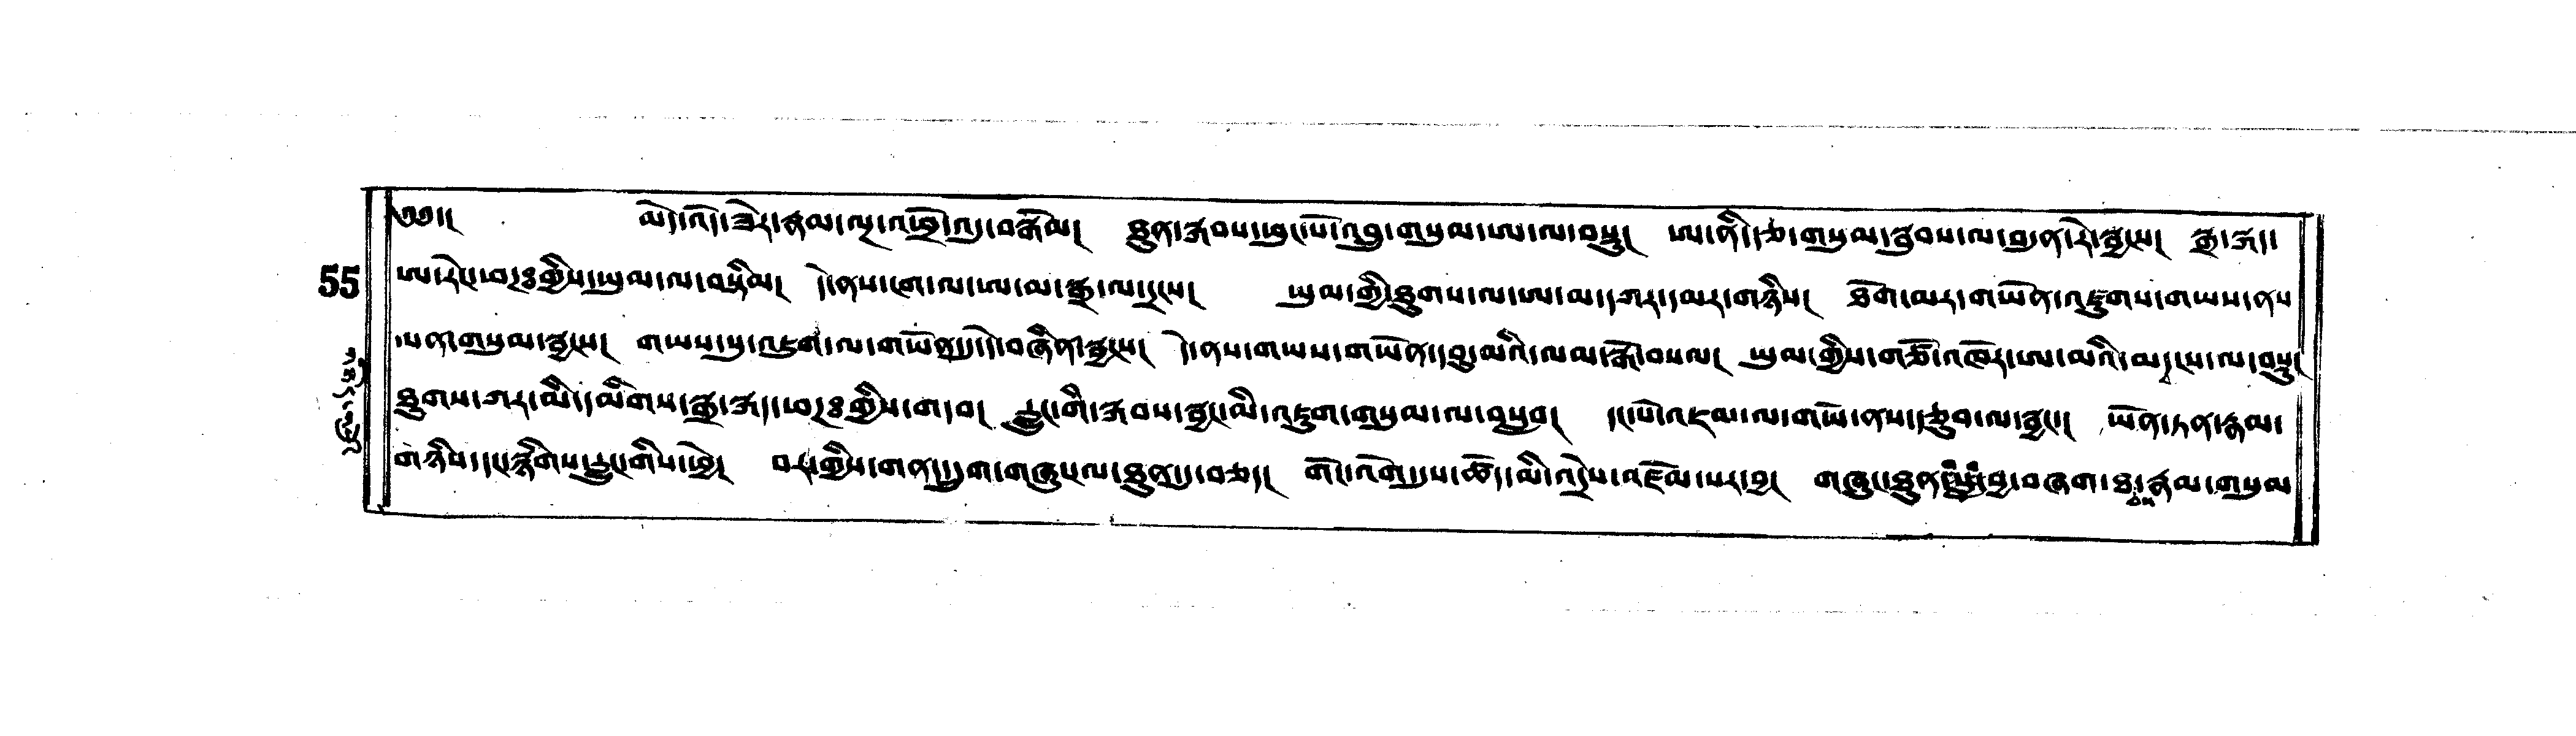མེད་འོད་ཟེར་རྣམ་ལྔ་འཕྲོ་འདུ་བསྒོམ། ཐུན་སྐབས་ཕུང་པོ་འབྲུ་གསུམ་ཨ་ལ་བསྡུ། ཨ་ནི་རྩ་གསུམ་སྦུབས་ལ་བདུན་རེ་སྦྱངས། སྒྲ་སྐད་
ཨཿརིང་ཕཊཿཀྱིས་ཡུམ་ལ་བསྟིམ། དེ་ནས་ངག་ལ་ཨ་མ་སྒྲ་ལ་དྲངས། ཡུམ་གྱི་ཐུགས་ལ་ཨ་མ་དཀར་དམར་གཉིས། ཐོག་མར་གཡོན་འཇུག་གཡས་ནས་
ལན་གསུམ་སྦྱངས། གཡས་སུ་འཇུག་ལ་གཡོན་དུ་དེ་བཞིན་སྦྱངས། དེ་ནས་གཡས་གཡོན་དབུ་མའི་ལམ་སྒོ་བསམ། ཡུམ་གྱིས་གཙོ་འཁོར་ཨ་མའི་མདངས་ལ་བསྡུ། 
ཐུགས་ཀར་མི་དམིགས་སྒྲ་སྐད་ཕཊཿཀྱིས་གདབ། རླུང་གི་སྐབས་སྦྱང་མི་འཇུག་གསུམ་ལ་བསླབ། དང་པོ་འཇམ་ལ་གཡོ་ནས་རྩུབ་ལ་སྦྱང་། ཡོན་ཏན་རྣམ་
གཉིས་དང་སྙིགས་རླུང་གིས་ཕྱེ། བར་གྱིས་གནད་དྲུག་གཞུང་ལ་ཐུན་དུ་བཅད། གོང་འོག་དུས་ཚོད་མི་འདྲེས་འཛོམ་པར་བྱ། གཞུང་ཐུན་བསླབ་བྱ་བཞག་ཐབས་རྣམ་གསུམ་